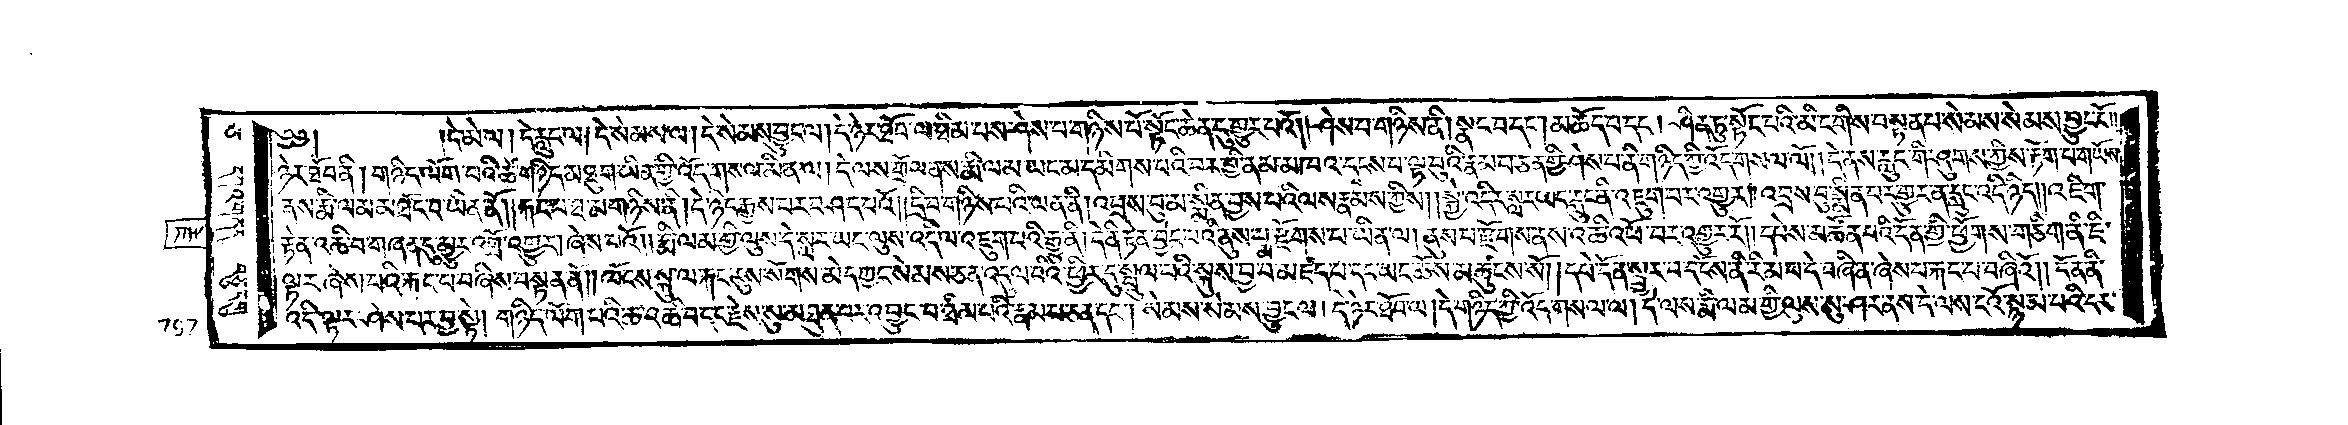༄༅། །དེ་མེ་ལ། དེ་རླུང་ལ། དེ་སེམས་ལ། དེ་སེམས་བྱུང་ལ། དེ་ཉེར་ཐོབ་ལ་ཐིམ་པས་ཤེས་པ་གཉིས་པོ་སྟོང་ཆེན་དུ་གྱུར་པའོ། །ཤེས་པ་གཉིས་ནི། སྣང་བ་དང་། མཆེད་པ་དང་། ཤིན་ཏུ་སྟོང་པའི་མིང་གིས་བསྟན་པ་སེམས་སེམས་བྱུང་ངོ། །
ཉེར་ཐོབ་ནི། གཉིད་ལོག་པའི་ཚེ་གཉིད་མཐུག་ཡིན་གྱི་འོད་གསལ་མིན་ལ། དེ་ལས་གྲོལ་ནས་རྨི་ལམ་ཡང་མ་དམིགས་པའི་བར་གྱི་ནམ་མཁའ་དྭངས་པ་ལྟ་བུའི་རྣམ་པ་ཅན་གྱི་ཤེས་པ་ནི་གཉིད་ཀྱི་འོད་གསལ་ལོ། །དེ་ནས་རླུང་གི་ཤུགས་ཀྱིས་རྟོག་པ་གཡོས་
ནས་རྨི་ལམ་མཐོང་བ་ཡིན་ནོ། །རྐང་པ་ཐ་མ་གཉིས་ནི། དེ་ཉིད་རྒྱས་པར་བཤད་པའོ། །དྲི་བ་གཉིས་པའི་ལན་ནི། འབྲས་བུ་མ་སྨིན་བྱས་པའི་ལས་རྣམས་ཀྱིས། །སྐྱེ་འདིར་སླར་ཡང་རླུང་ནི་འཇུག་པར་འགྱུར། །འབྲས་བུ་སྨིན་པར་གྱུར་ན་རླུང་འདི་ཉིད། །འཇིག་
རྟེན་འཆི་བ་གཞན་དུ་མྱུར་འགྲོ་འགྱུར། ཞེས་པའོ། །རྨི་ལམ་གྱི་ལུས་དེ་སླར་ཡང་ལུས་འདི་ལ་འཇུག་པའི་རྒྱུ་ནི། དེ་ནི་རྟེན་བྱེད་པའི་ནུས་པ་མ་རྫོགས་པ་ཡིན་ལ། ནུས་པ་རྫོགས་ནས་འཆི་འཕོ་བར་འགྱུར་རོ། །དཔེས་མཚོན་པའི་དོན་གྱི་ཕྱོགས་གཅིག་ནི་ཇི་
ལྟར་ཞེས་པའི་རྐང་པ་བཞིས་བསྟན་ནོ། །ལོངས་སྐུ་ལ་རྐང་རུས་སོགས་མེད་ཀྱང་སེམས་ཅན་འདུལ་བའི་ཕྱིར་དུ་སྤྲུལ་པའི་སྐུས་བྱ་བ་མཛད་པ་དང་ཡང་ཆོས་མཚུངས་སོ། །དཔེ་དོན་སྦྱར་བ་དངོས་ནི་རིམ་པ་དེ་བཞིན་ཞེས་པ་རྐང་པ་བཞིའོ། །དོན་ནི་
འདི་ལྟར་ཤེས་པར་བྱ་སྟེ། གཉིད་ལོག་པའི་ཆ་འཆི་བ་དང་རྗེས་སུ་མཐུན་པར་འབྱུང་བ་ཐིམ་པའི་རྣམ་པ་ཅན་དང་། སེམས་སེམས་བྱུང་ལ། དེ་ཉེར་ཐོབ་ལ། དེ་གཉིད་ཀྱི་འོད་གསལ་ལ། དེ་ལས་རྨི་ལམ་གྱི་ལུས་སུ་ཤར་ནས་དེ་ལས་ངའོ་སྙམ་པའི་ངར་